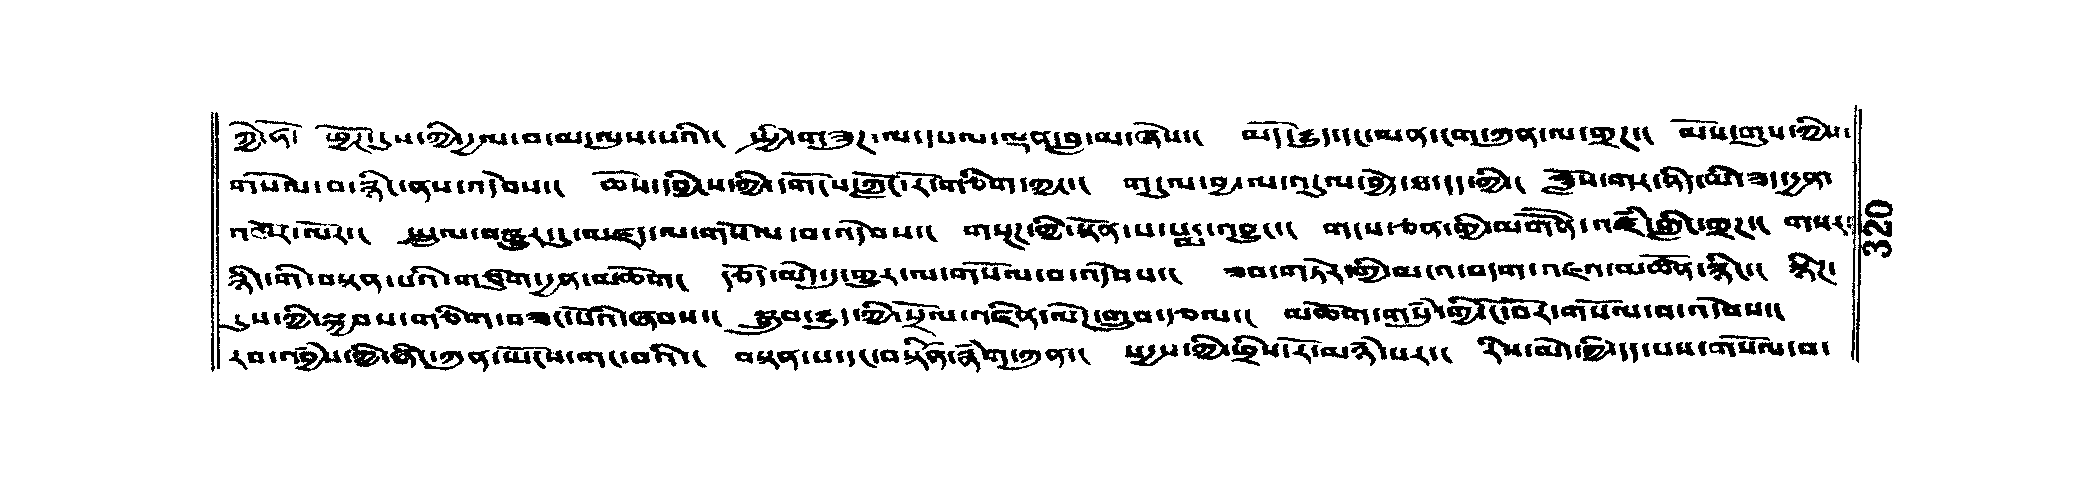ཀྱེ་ཧོ། ཕྱོགས་དུས་ཀྱི་རྒྱལ་བ་མ་ལུས་པའི། །སྤྱི་གཟུགས་ལ་དཔལ་ལྡན་བླ་མ་ཞེས། །མདོ་རྒྱུད་དང་མན་ངག་ཀུན་ལ་གྲགས། །མོས་གུས་ཀྱིས་
གསོལ་བ་སྙིང་ནས་འདེབས། །ཆོས་དབྱིངས་ཀྱི་དགོངས་ཀློང་རོ་གཅིག་ཀྱང་། །གདུལ་བྱ་ལ་འདུལ་བྱེད་ཐ་དད་ཀྱི། །ཟློས་གར་ཉིད་མི་ཟད་རྒྱན་
འཁོར་ལོར། །སྤྲུལ་བསྒྱུར་དུ་མཛད་ལ་གསོལ་བ་འདེབས། །གསང་སྔགས་ཀྱི་སྟོན་པ་པདྨ་འབྱུང་། །གངས་ཅན་གྱི་མགོན་པོ་འཛམ་གླིང་གྲགས། །གསར་
སྙིང་གི་བསྟན་པའི་གཙུག་རྒྱན་མཆོག །རྩོད་མེད་དུ་གྱུར་ལ་གསོལ་བ་འདེབས། །ཟབ་གཏེར་གྱི་མངའ་བདག་འཇའ་མཚོན་སྙིང་། །སྙིགས་
དུས་ཀྱི་སྐྱབས་གཅིག་བཟང་པོའི་ཞབས། །སྒྲུབ་རྒྱུད་ཀྱི་སྲོལ་འཛིན་ལེགས་གྲུབ་རྩལ། །མཆོག་གསུམ་གྱི་ངོ་བོར་གསོལ་བ་འདེབས། །
རབ་འབྱམས་ཀྱི་ཞིང་ཀུན་ཡོངས་གང་བའི། །བསྟན་པ་དང་བསྟན་འཛིན་རྣམ་དག་ཀུན། །སངས་རྒྱས་ཀྱི་ཕྲིན་ལས་རོ་མཉམ་པར། །རིས་མེད་ཀྱི་དད་པས་གསོལ་བ་